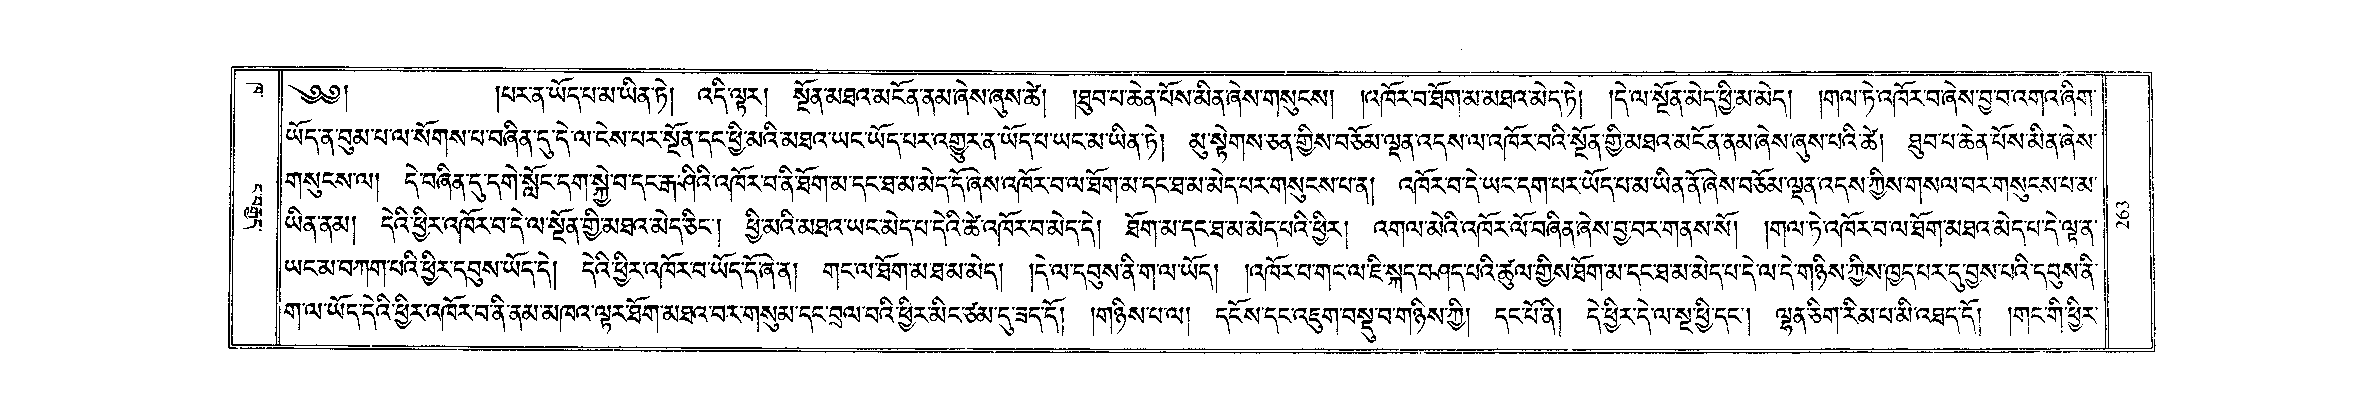༄༅། །པར་ན་ཡོད་པ་མ་ཡིན་ཏེ། འདི་ལྟར། སྔོན་མཐའ་མངོན་ནམ་ཞེས་ཞུས་ཚེ། །ཐུབ་པ་ཆེན་པོས་མིན་ཞེས་གསུངས། །འཁོར་བ་ཐོག་མ་མཐའ་མེད་ཏེ། །དེ་ལ་སྔོན་མེད་ཕྱི་མ་མེད། །གལ་ཏེ་འཁོར་བ་ཞེས་བྱ་བ་འགའ་ཞིག་
ཡོད་ན་བུམ་པ་ལ་སོགས་པ་བཞིན་དུ་དེ་ལ་ངེས་པར་སྔོན་དང་ཕྱི་མའི་མཐའ་ཡང་ཡོད་པར་འགྱུར་ན་ཡོད་པ་ཡང་མ་ཡིན་ཏེ། མུ་སྟེགས་ཅན་གྱིས་བཅོམ་ལྡན་འདས་ལ་འཁོར་བའི་སྔོན་གྱི་མཐའ་མངོན་ནམ་ཞེས་ཞུས་པའི་ཚེ། ཐུབ་པ་ཆེན་པོས་མིན་ཞེས་
གསུངས་ལ། དེ་བཞིན་དུ་དགེ་སློང་དག་སྐྱེ་བ་དང་རྒ་ཤིའི་འཁོར་བ་ནི་ཐོག་མ་དང་ཐ་མ་མེད་དོ་ཞེས་འཁོར་བ་ལ་ཐོག་མ་དང་ཐ་མ་མེད་པར་གསུངས་པ་ན། འཁོར་བ་དེ་ཡང་དག་པར་ཡོད་པ་མ་ཡིན་ནོ་ཞེས་བཅོམ་ལྡན་འདས་ཀྱིས་གསལ་བར་གསུངས་པ་མ་
ཡིན་ནམ། དེའི་ཕྱིར་འཁོར་བ་དེ་ལ་སྔོན་གྱི་མཐའ་མེད་ཅིང་། ཕྱི་མའི་མཐའ་ཡང་མེད་པ་དེའི་ཚེ་འཁོར་བ་མེད་དེ། ཐོག་མ་དང་ཐ་མ་མེད་པའི་ཕྱིར། འགལ་མེའི་འཁོར་ལོ་བཞིན་ཞེས་བྱ་བར་གནས་སོ། །གལ་ཏེ་འཁོར་བ་ལ་ཐོག་མཐའ་མེད་པ་དེ་ལྟ་ན་
ཡང་མ་བཀག་པའི་ཕྱིར་དབུས་ཡོད་དེ། དེའི་ཕྱིར་འཁོར་བ་ཡོད་དོ་ཞེ་ན། གང་ལ་ཐོག་མ་ཐ་མ་མེད། །དེ་ལ་དབུས་ནི་ག་ལ་ཡོད། །འཁོར་བ་གང་ལ་ཇི་སྐད་བཤད་པའི་ཚུལ་གྱིས་ཐོག་མ་དང་ཐ་མ་མེད་པ་དེ་ལ་དེ་གཉིས་ཀྱིས་ཁྱད་པར་དུ་བྱས་པའི་དབུས་ནི་
ག་ལ་ཡོད་དེའི་ཕྱིར་འཁོར་བ་ནི་ནམ་མཁའ་ལྟར་ཐོག་མཐའ་བར་གསུམ་དང་བྲལ་བའི་ཕྱིར་མིང་ཙམ་དུ་ཟད་དོ། །གཉིས་པ་ལ། དངོས་དང་འཇུག་བསྡུ་བ་གཉིས་ཀྱི། དང་པོ་ནི། དེ་ཕྱིར་དེ་ལ་སྔ་ཕྱི་དང་། ལྷན་ཅིག་རིམ་པ་མི་འཐད་དོ། །གང་གི་ཕྱིར་